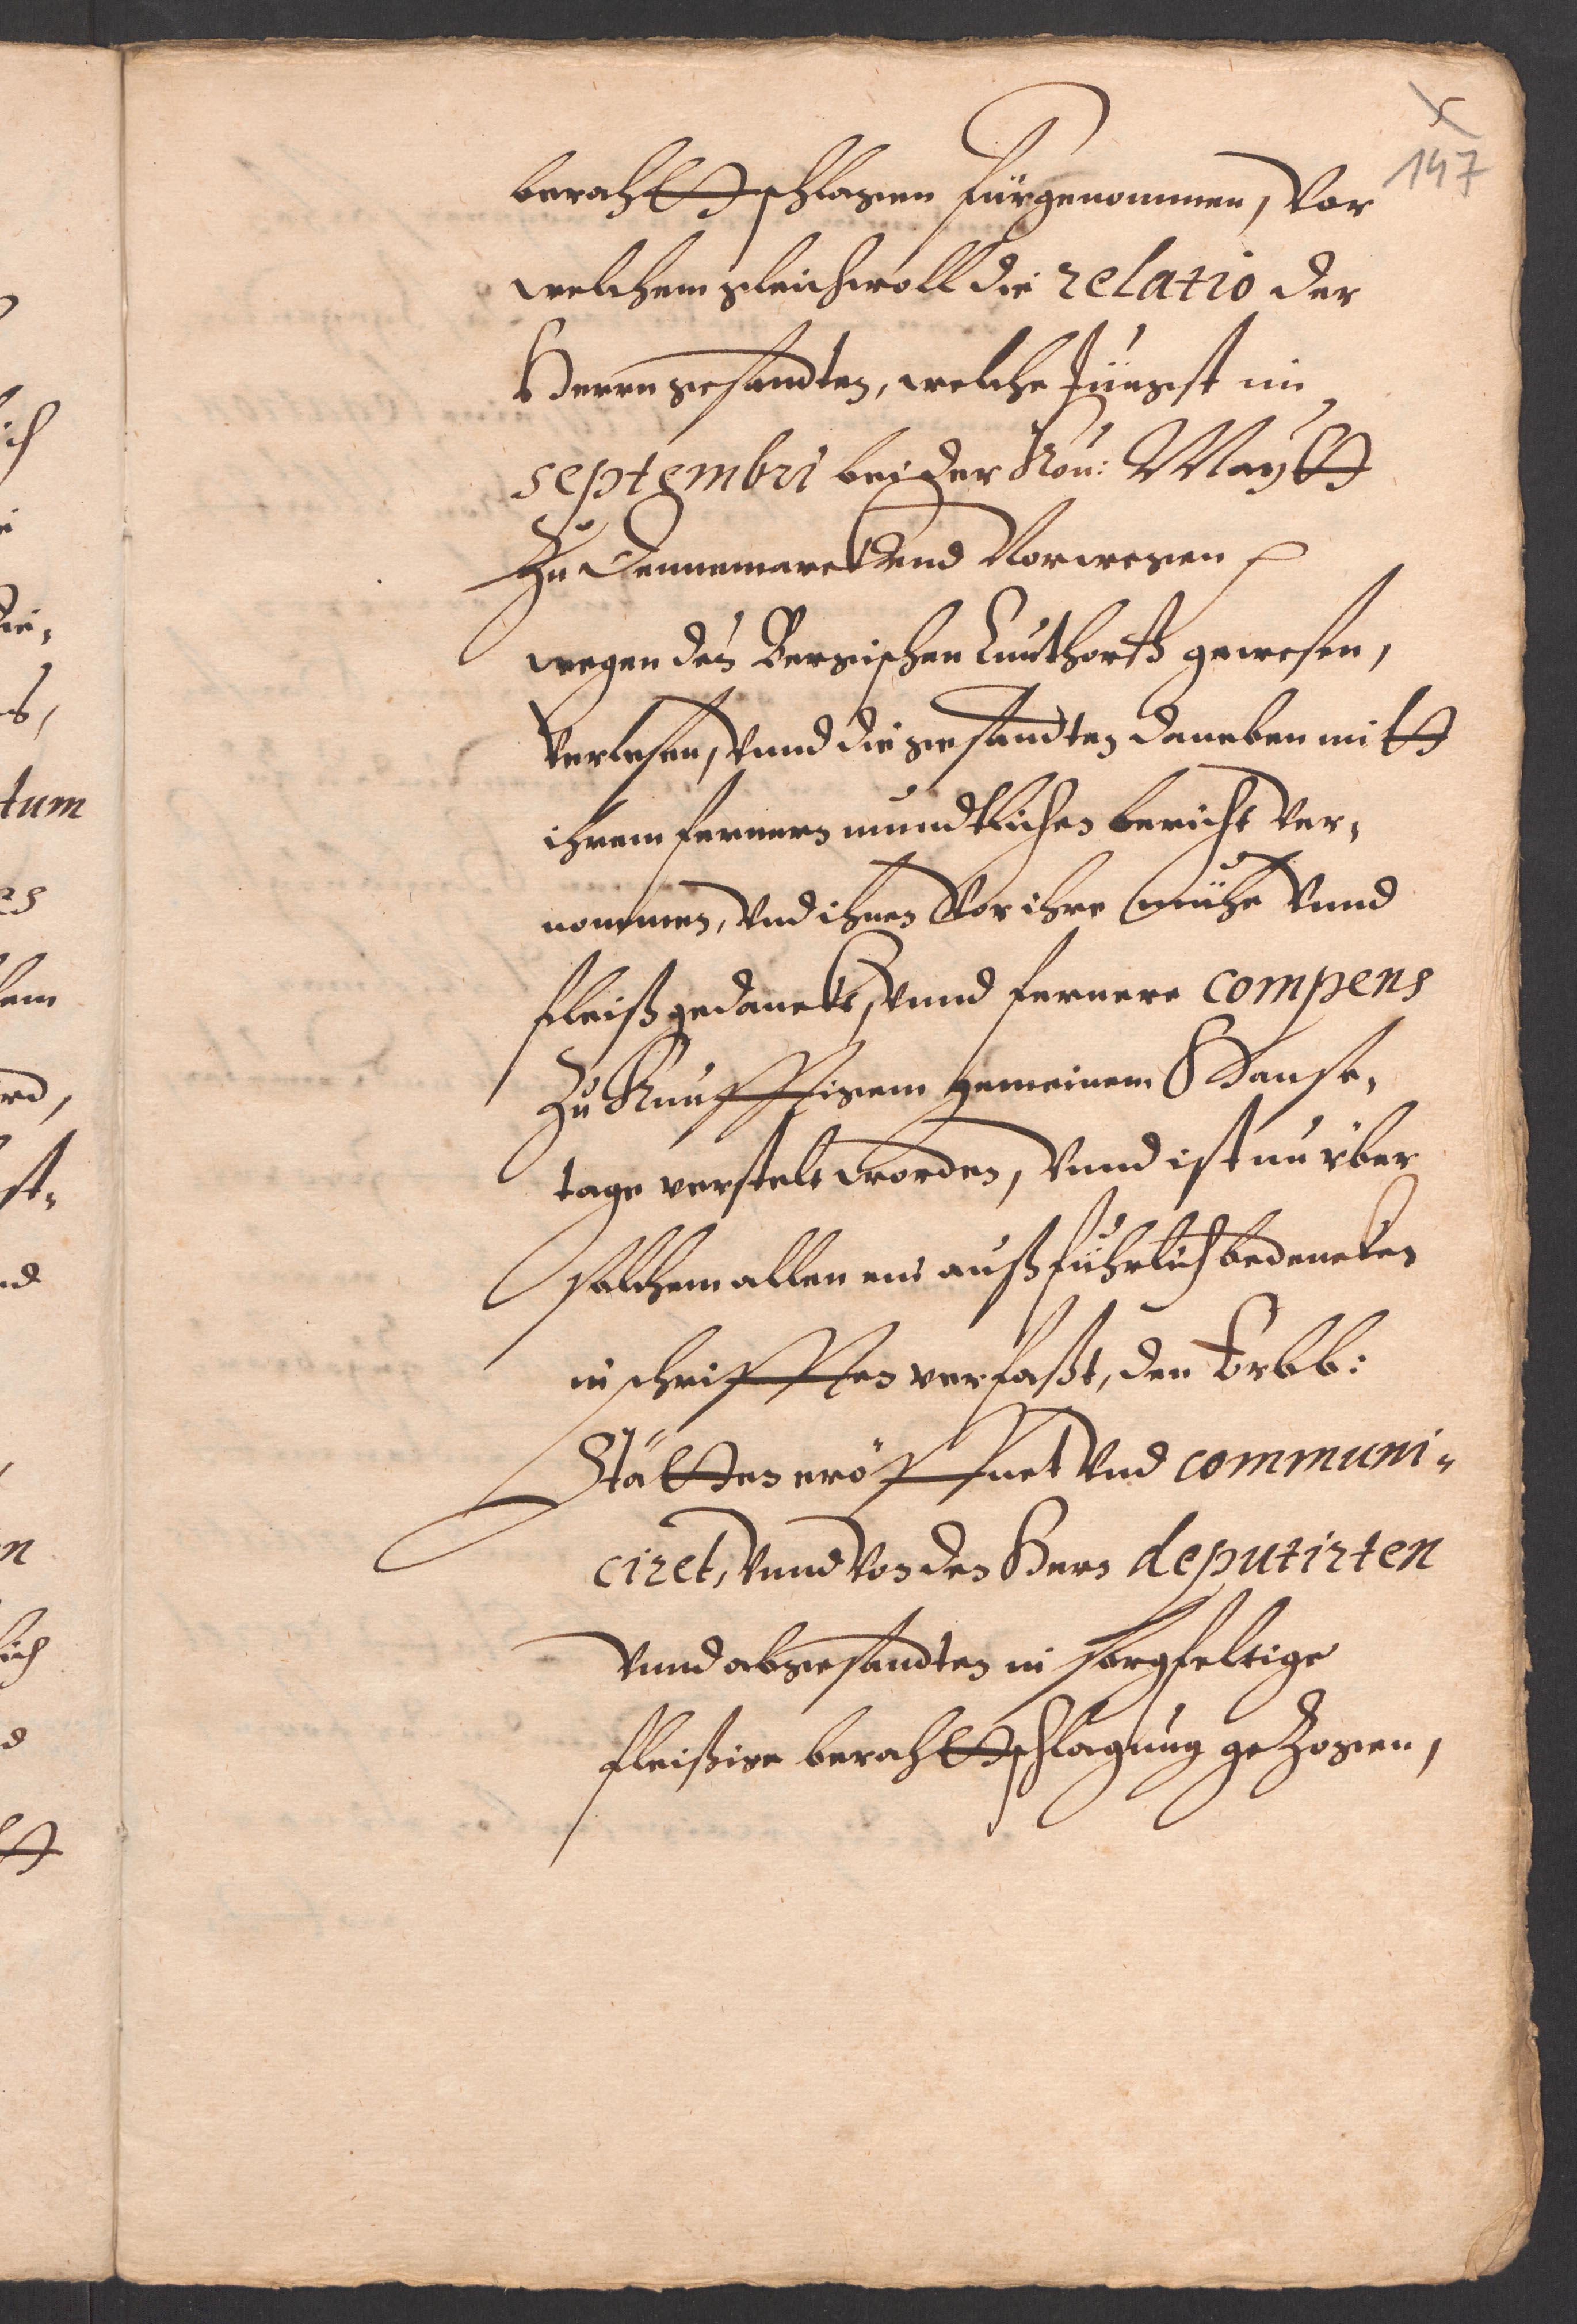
5
berahttschlagen fürgenommen, vor
welchem gleichwoll die relatio der
Herrn gesandten, welche Jüngst im
septembri bei der Kon: Maytt
zu Dennemarck vnd Norwegen p
wegen des Bergischen Cunthorß gewesen,
verlesen, vnnd die gesandten daneben mitt
ihrem fernnen mundtlichen bericht ver¬
nommen, vnd ihnen vor ihre mühe vnnd
fleiß gedanckt, vnnd fernere compens
zukunfttigem gemeinem Hanse¬
tage verstelt worden, vnnd ist nu über
solchem allen ein außführlich bedenken
in schriftten verfaßt, den Erbb:
Stätten eröffnet vnd communi¬
ciret, vnnd von den Hern deputirten
vnnd abgesandten in sorgfeltige
fleißige berahttschlagung gezogen,
